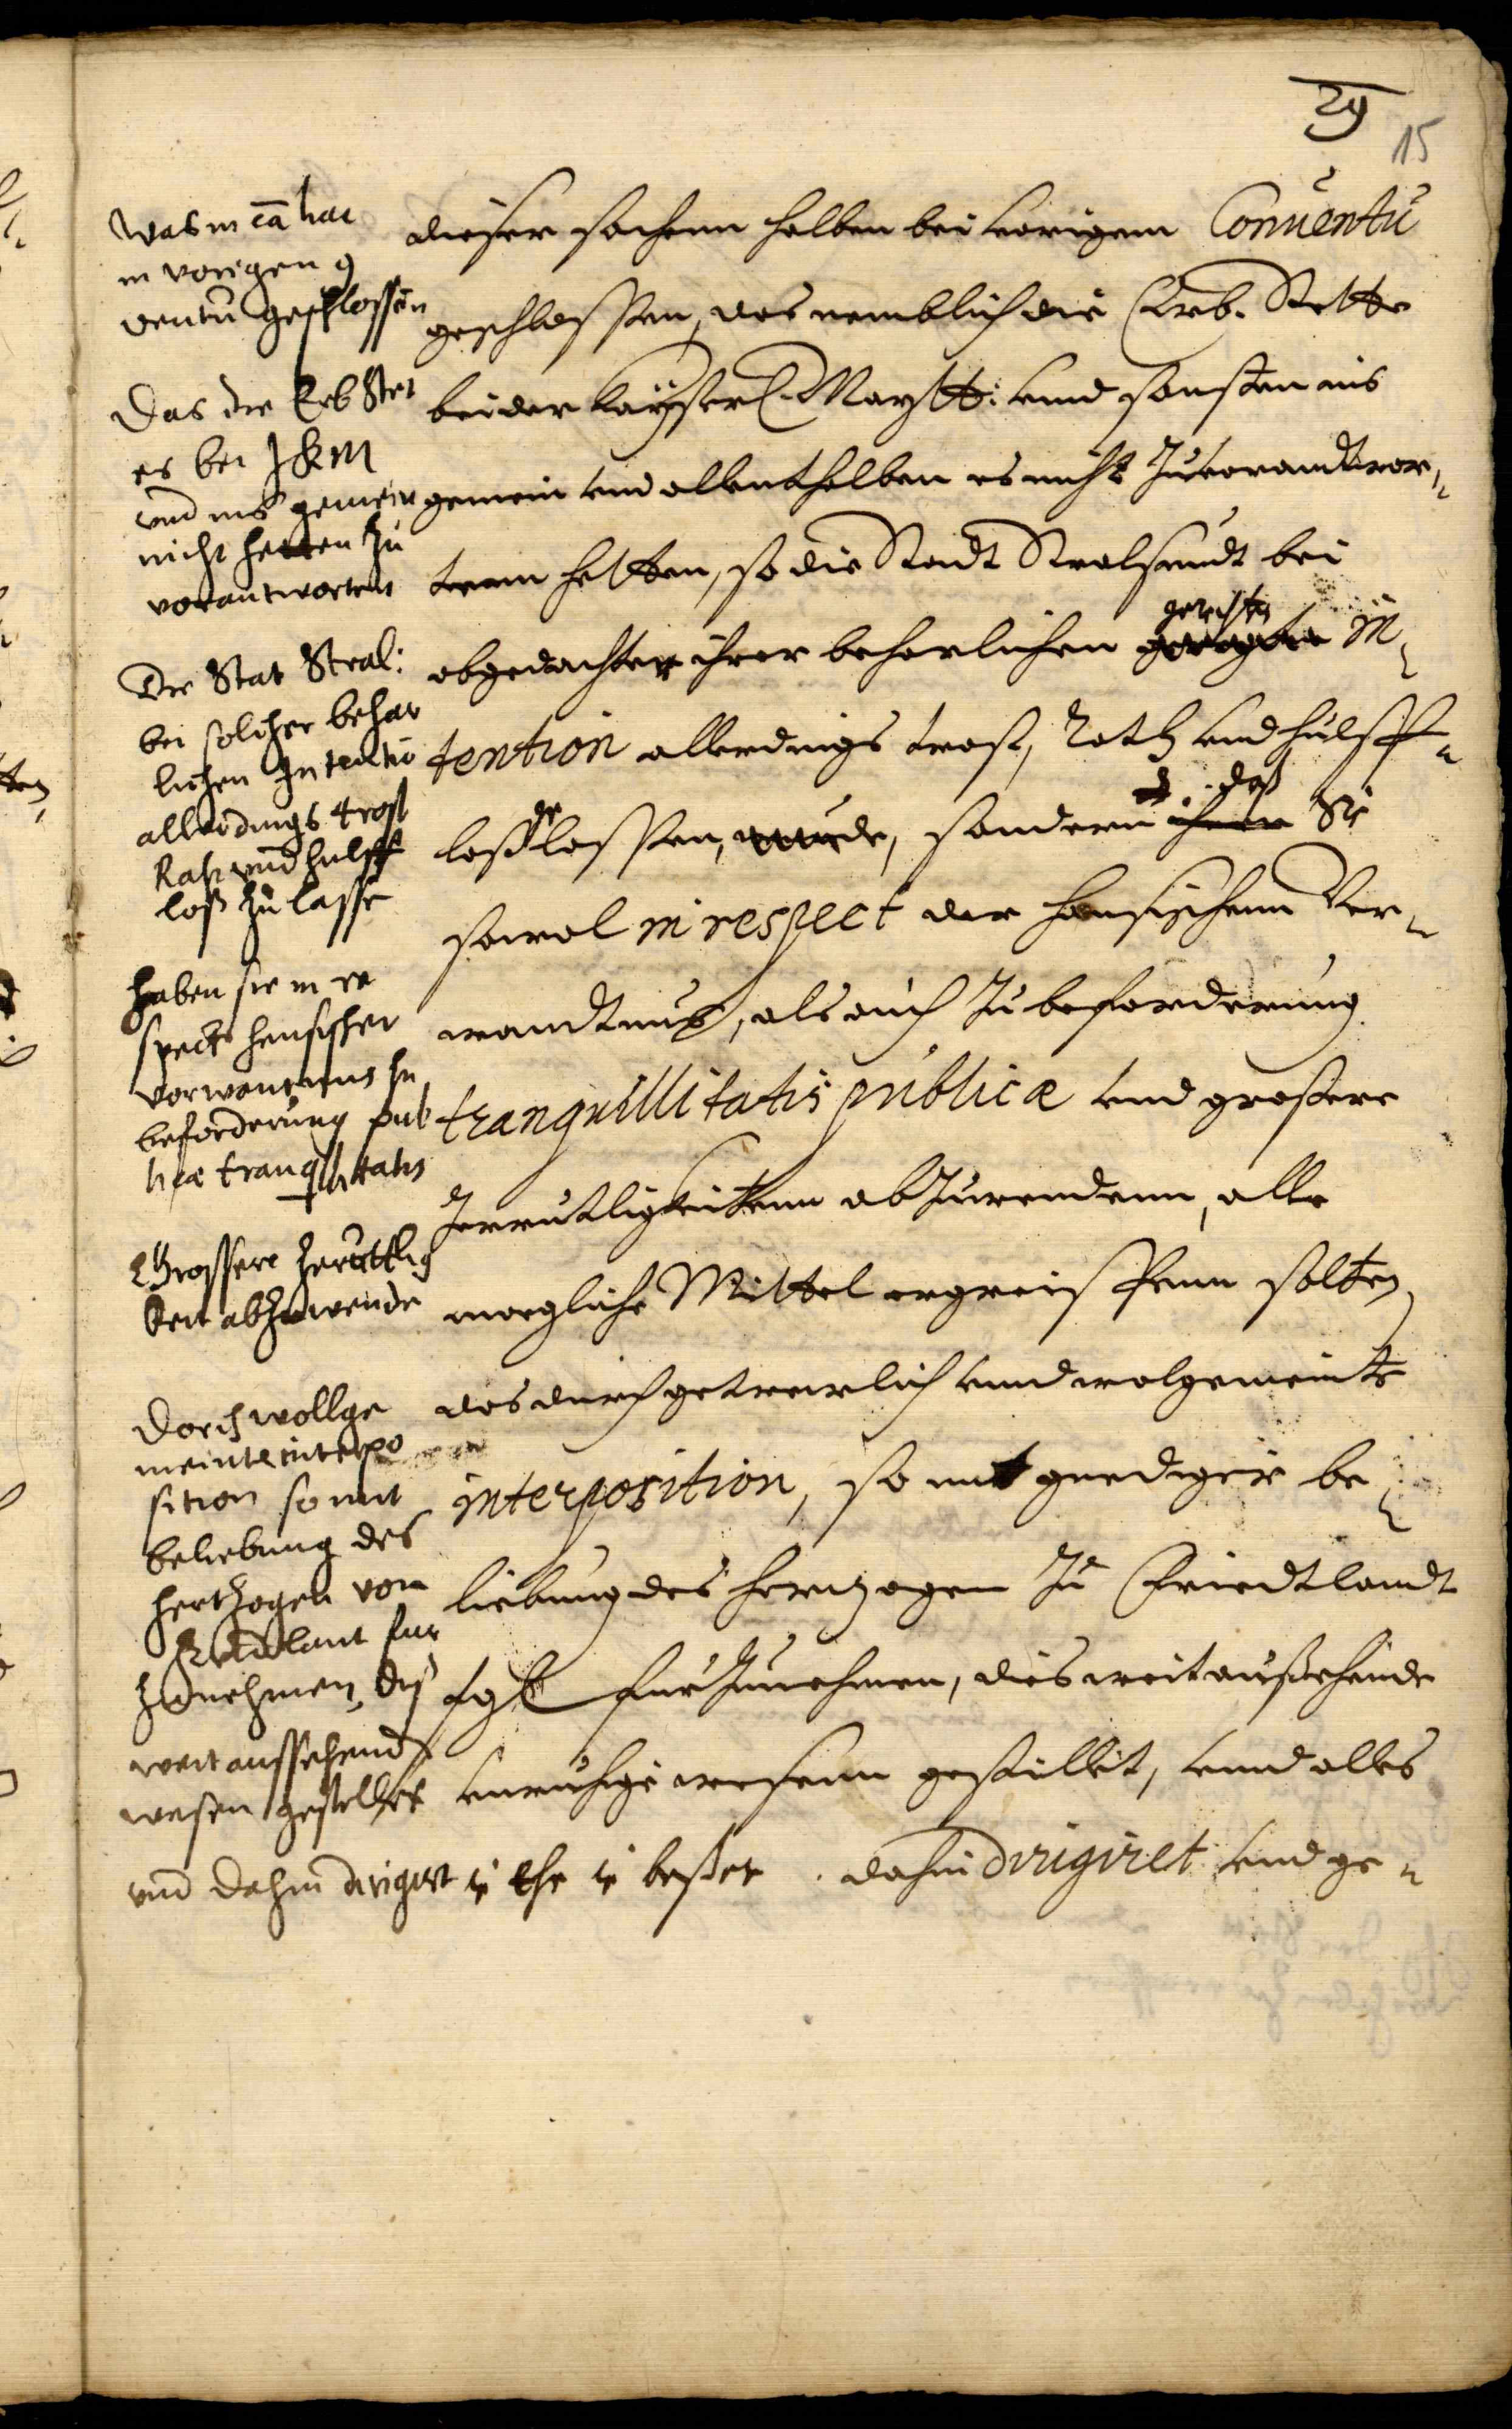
29
dieser sachenn halben bei vorigem Conuentu
geschlossen, das nemblich die Erb. Stette
bei der Kaijßerl. Maytt: vnd sonsten ins
gemein und allenthalben es nicht zuvorandtwor¬
tenn hetten, so die Stadt Stralsundt bei
gerechten
obgedachter ihrer beharlichen gerechten in¬
tention allerdings trost, Rath vnd hulff¬
daß
loß gelassen, wurde, sondern fern Sie
sowol in respect der hansischenn Ver¬
wandtnus, als auch zu beforderung
tranquillitatis publicae vnd großere
zerrutligkeitenn abzuwendenn, alle
moegliche Mittel ergreiffenn solten,
das durch getrewlich vnnd wolgemeinte
interposition, so mit gnediger be¬
liebung des hertzogen zu Friedtlandt
fgl furzunehmen, dis weit außehende
vnruhige wesenn gestillet, vnnd alles
dahin dirigiret vnd ge¬
was in ca hac
in vorigen con
ventu geschlossen
das die Erb Stet
es bei JKM
vnd ins gemein
nicht hetten zu
vorantworten
Der Stat Stral:
bei solcher behar
lichen Intention
allerdings trost
Raht vnd hulff
loß zu lasse
haben sie in re
spect hensischer
vorwantnus zu
beforderung pub
licae tranquillitatis
Grossere zeruttlig
keit abzuwende
Dorch wolllge
meinte interpo
sition somit
behebung des
hertzogen von
Fridtlant fur
zunehmen, daß
weit aussehenden
wesen gestillet
vnd dahin dirigirt ie Ehr ie beßer
